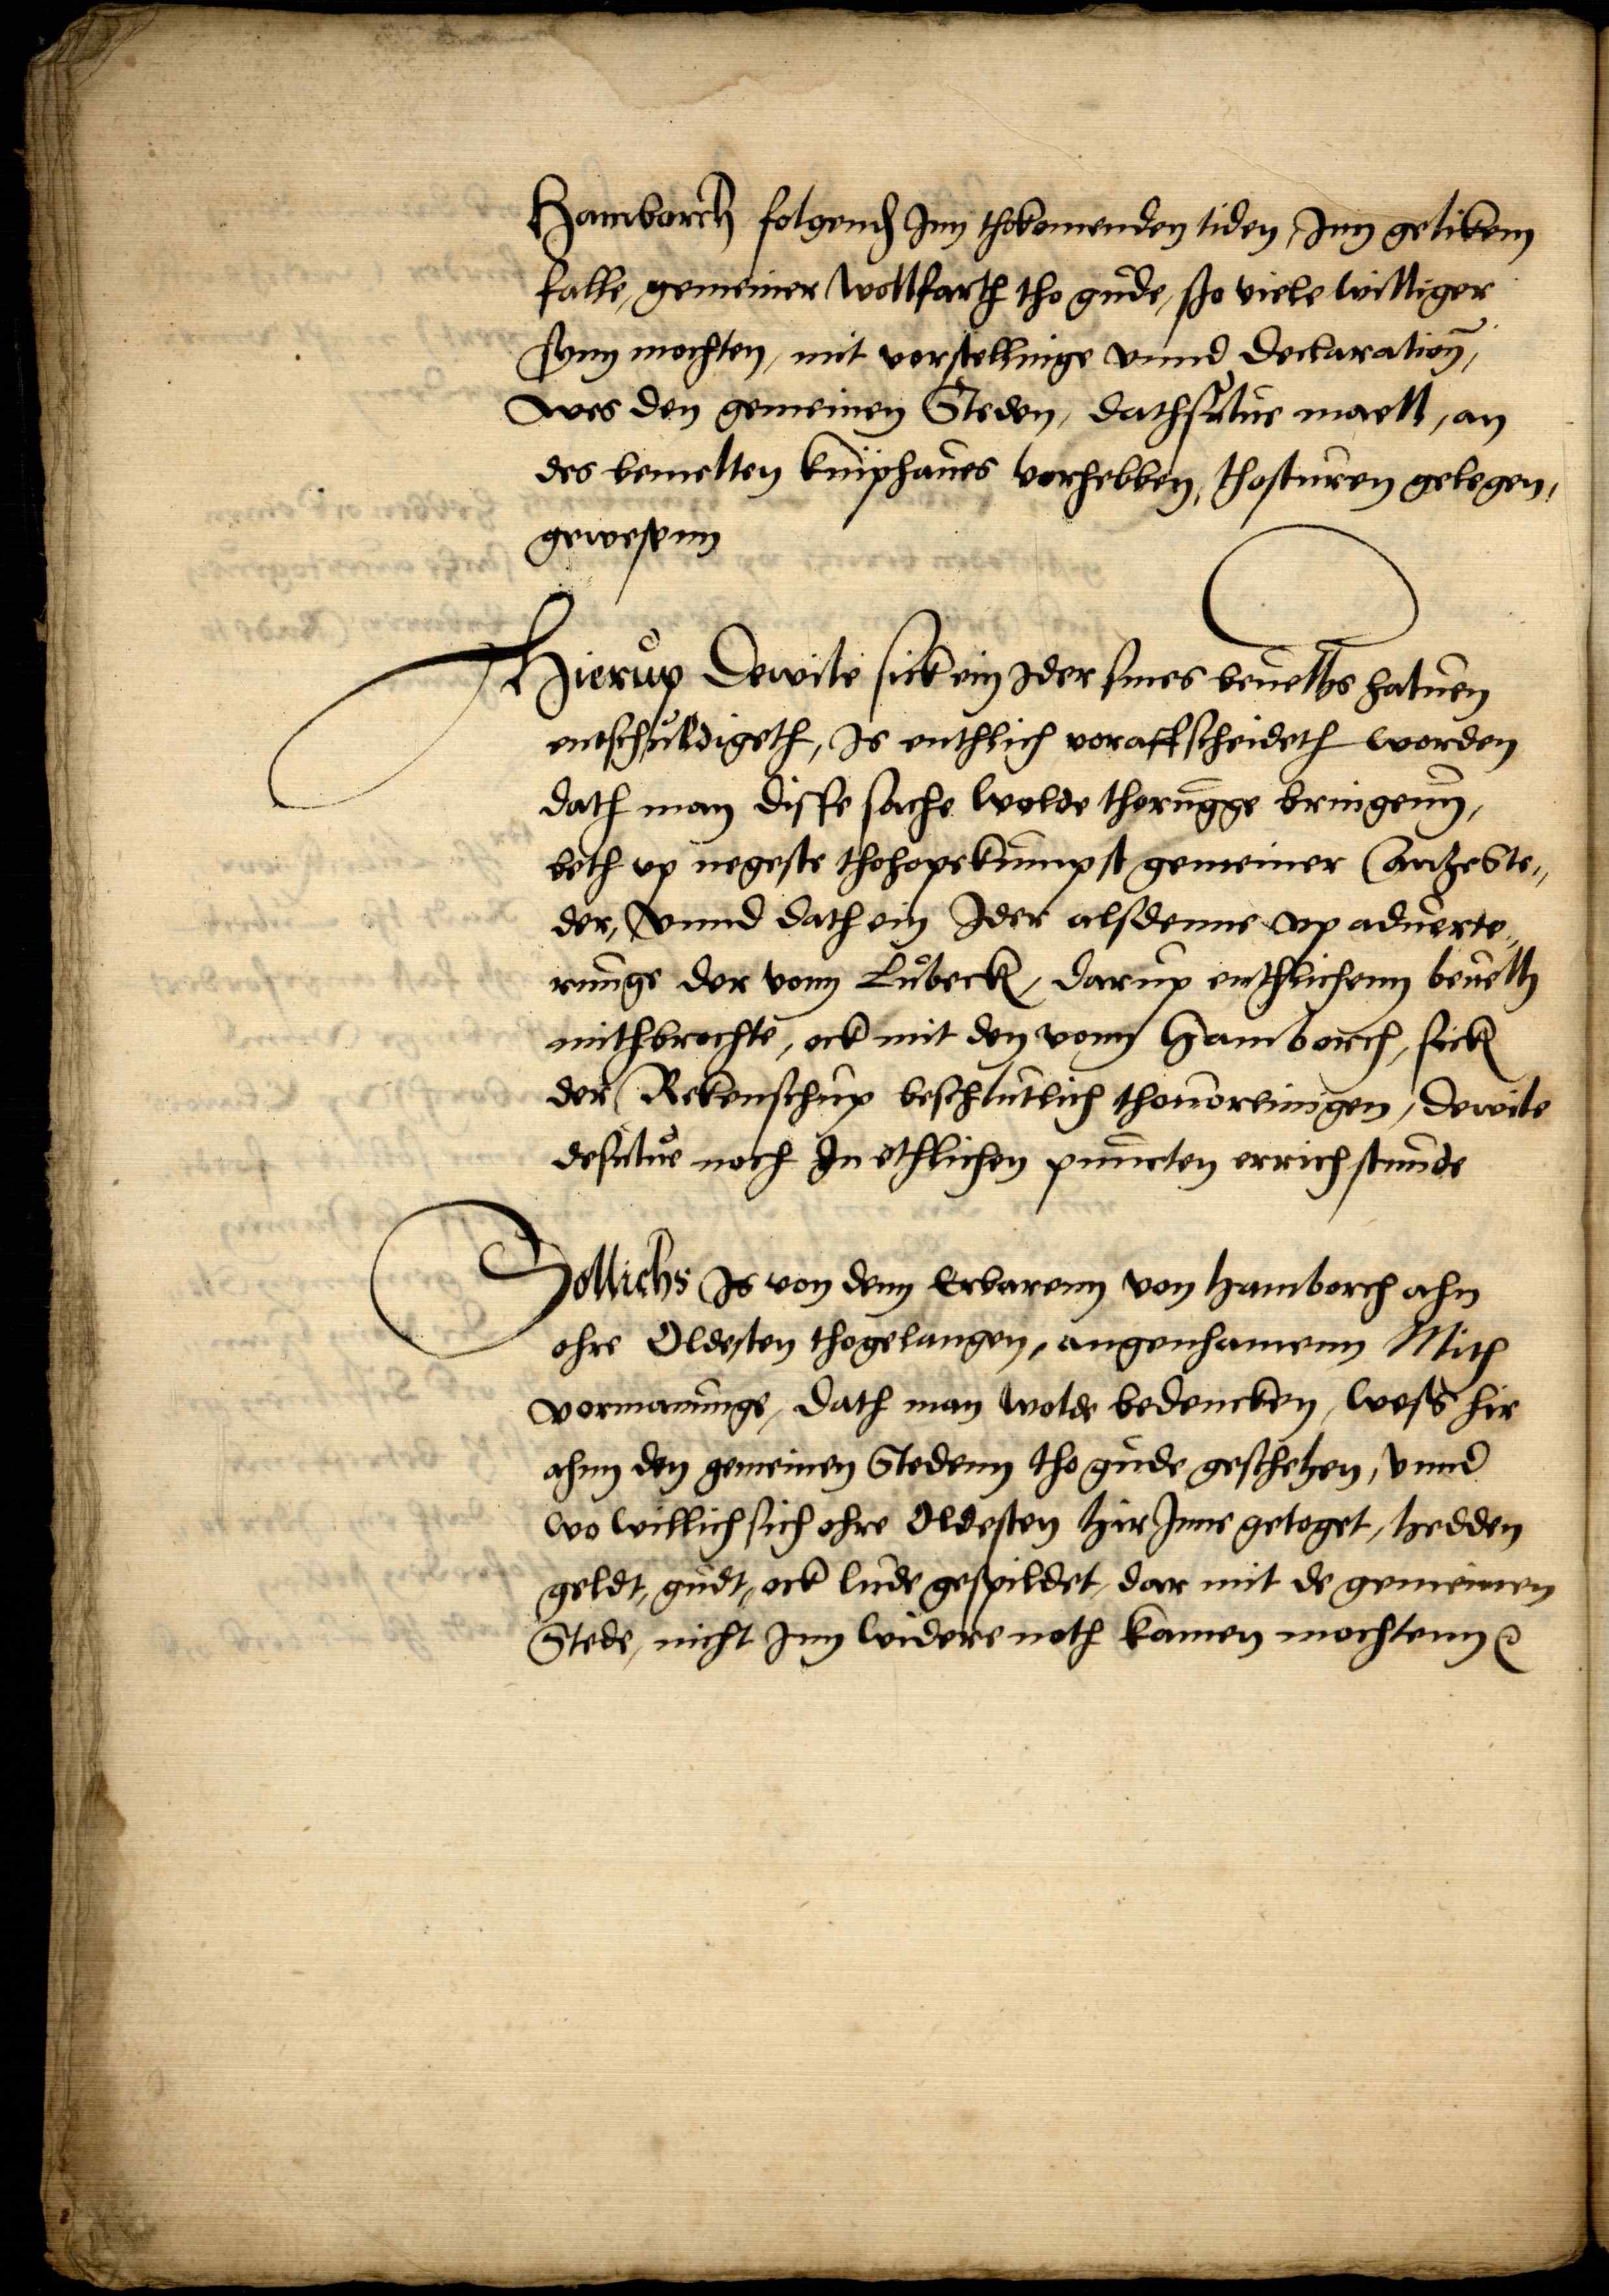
Hamborch folgend Inn thokomenden tiden, Inn gelikem
falle, gemeiner wollfarth tho gude, ßo viele williger
synn mochten, mit vorstellinge vnnd declaration,
wes den gemeinen Steden, dathsulue maell, an
des bemelten Kniphaues vorhebben, thosturen gelegen,
gewesenn
Hierup Dewile sick ein Ider sines beuelhs haluen
entschuldigeth, Is enthlich voraffscheideth worden
dath man disse sache wolde thorugge bringenn,
beth vp negeste thohopekumpst gemeiner Antzeste¬
der, vnnd dath ein Ider alsdenne vp aduerte¬
runge der vonn Lubeck, darup enthlichenn beuelh
mithbrochte, ock mit den vonn Hamborch, sick
der Rekenschup beschlutlich thouoreinigen, dewile
desulue noch In ethlichen puncten errich stunde
Sollichs Is von denn Erbarenn von Hamborch ahn
ohre Oldesten thogelangen, angenhamenn Mith
vormanunge, Dath man wolde bedencken, weß hir
ahnn den gemeinen Stedenn tho gude geschehen vnnd
wo willich sich ohre Oldesten hir Inne getoget, hedden
geldt, gudt, ock lude gespildet, dar mit de gemeinen
Stede, nicht Inn widere noth kamen mochtenn etc
